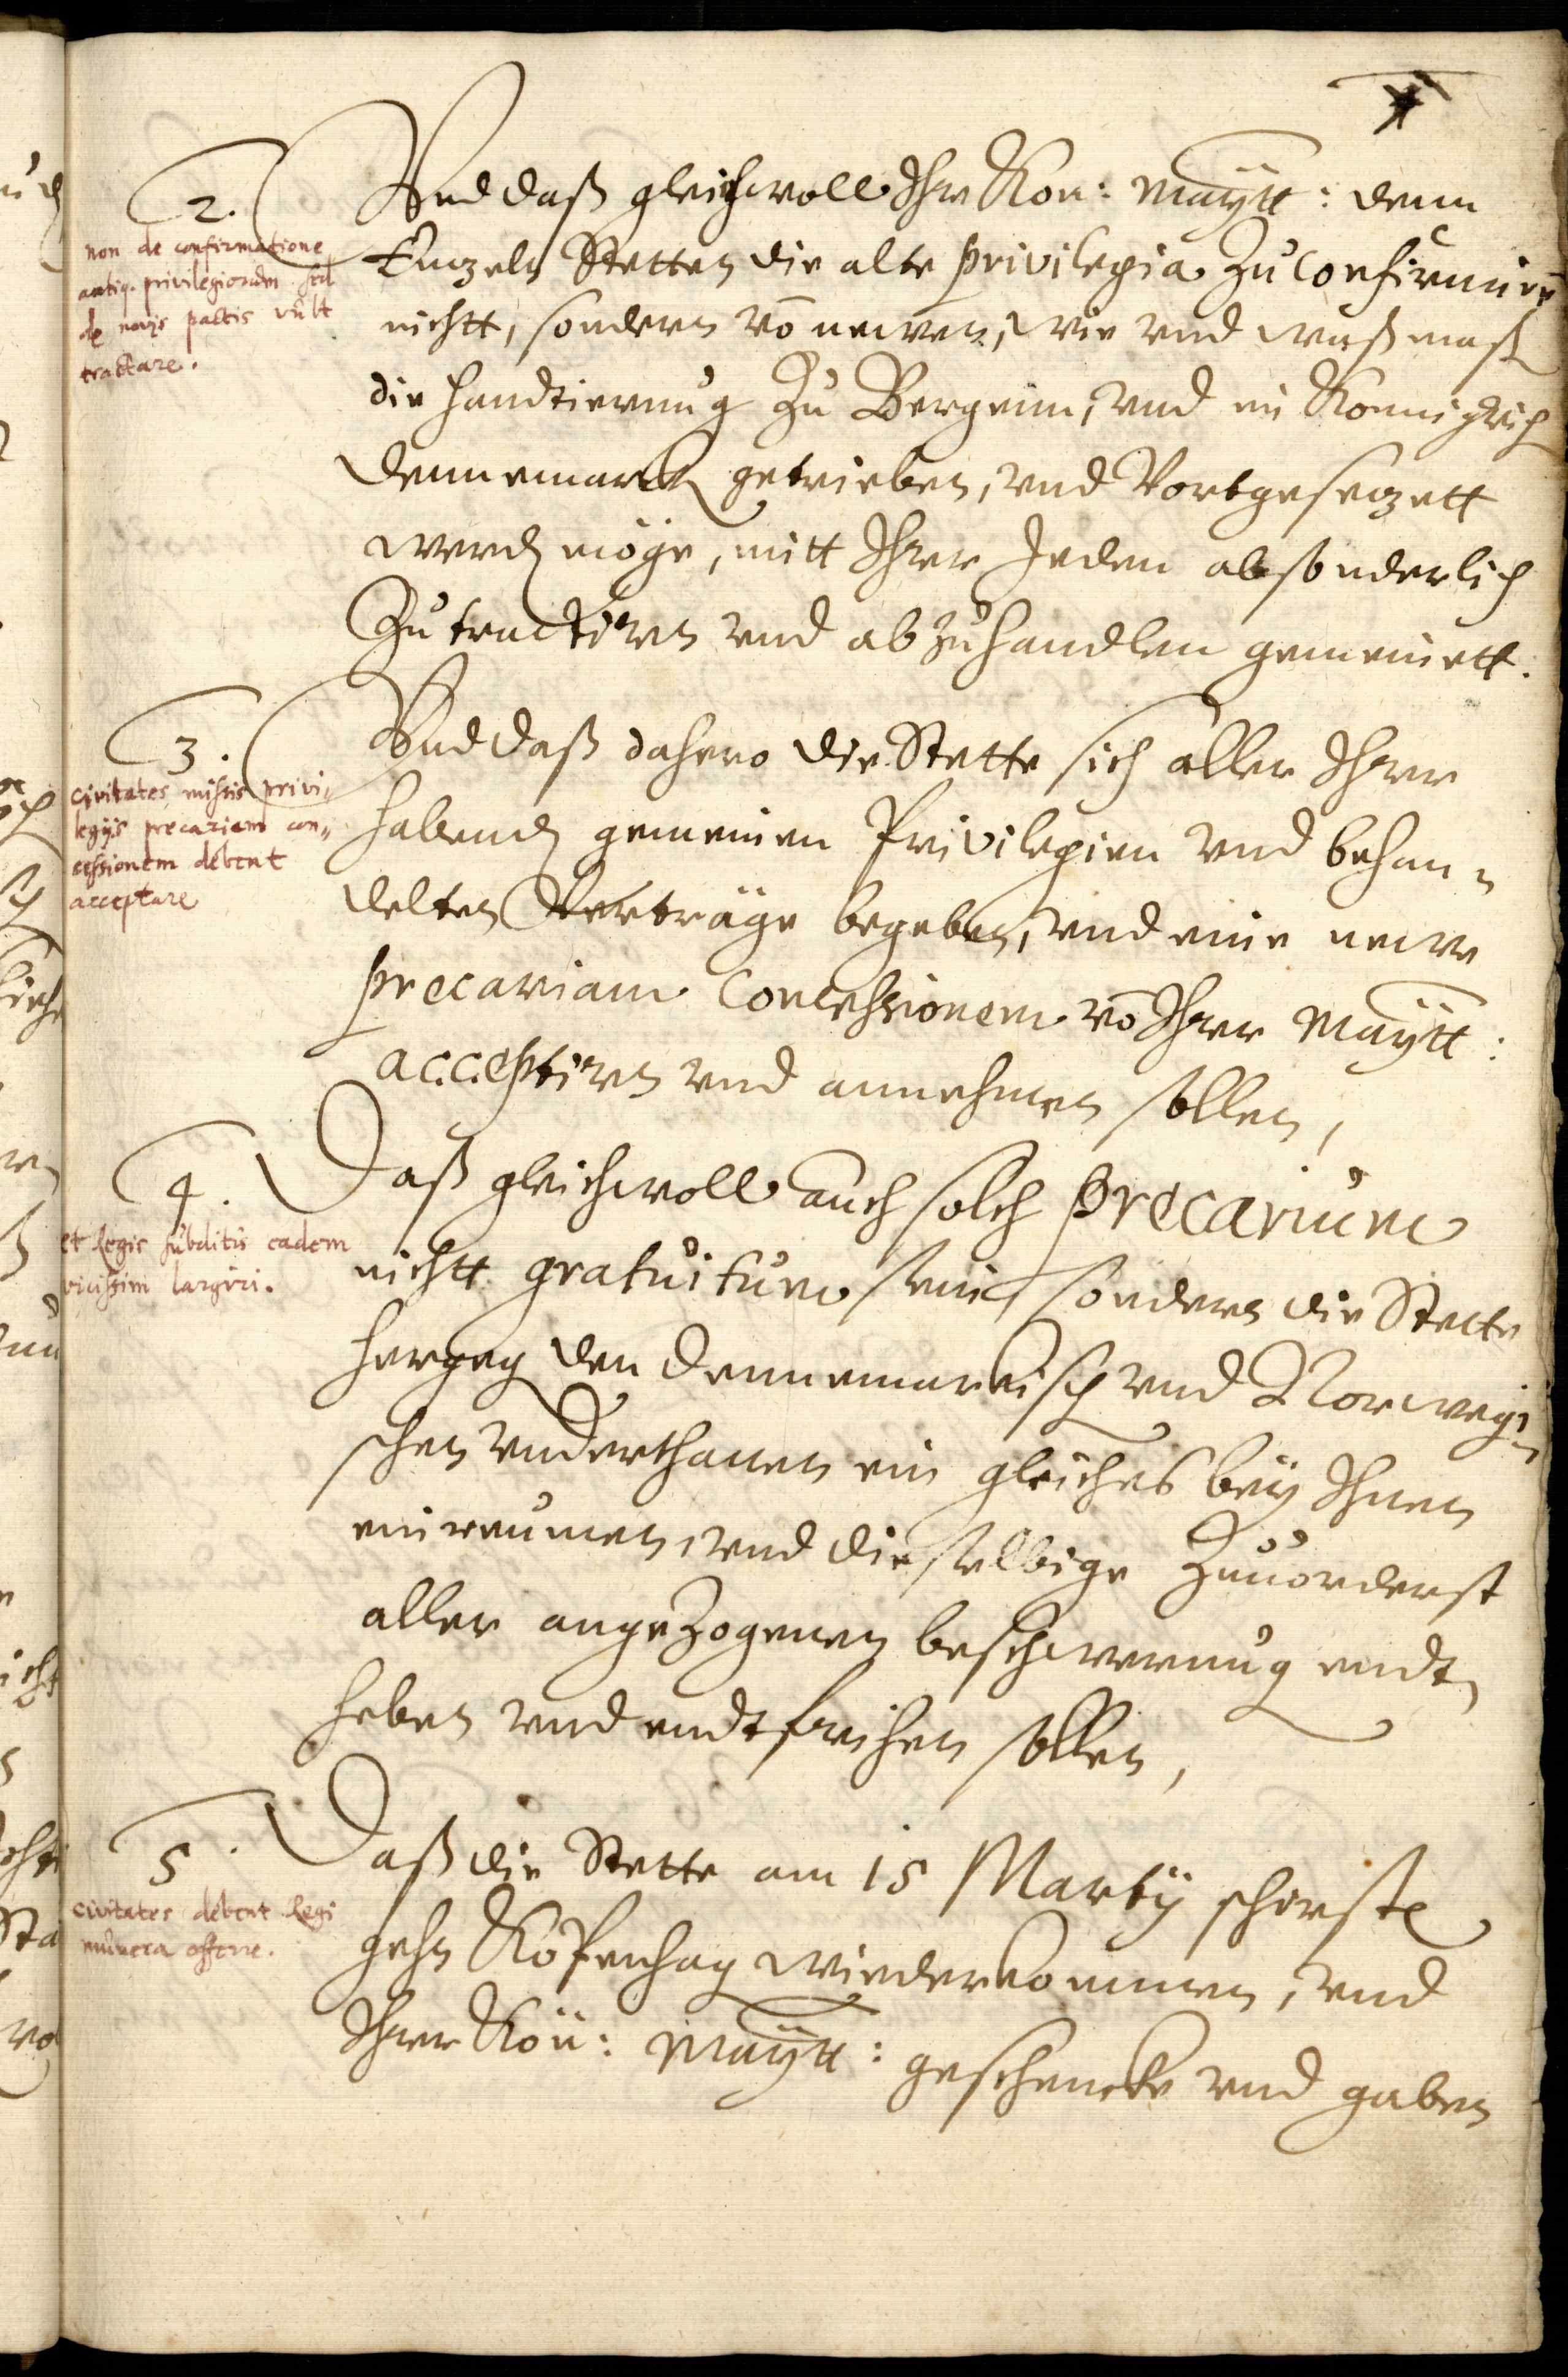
7
2.
non de confirmatione
antiq. privilegiorum. sed
de navis paltis vult
tractare.
Vnd daß gleichwoll Ihre Kon: maijtt: denn
Entzeln Stetten die alte privilegia zu confirmirn
nichtt, sondern von newen, wie vnd waß maßen
die handtierung zu Bergenn, vnd im Konnigklichen
Dennemarcken getrieben, vnd vortgesetzett
werden möge, mitt Ihrer jeden absonderlich
zu tractiren vnd abzuhandlen gemeinett.
3
civitates mistis privi¬
legijs precariam con¬
cessionem debent
acceptare
Vnd daß dahero die Stette sich aller Ihren
habenden gemeinen Privilegien vnd behan¬
delten Verträge begeben, vnd eine newe
precariam concessionem von Ihrer Maijtt.
acceptiren vnd annehmen sollen,
4
et legis subditis cadem
vicissim largiri.
4. Daß gleichwoll auch solch precarium
nichtt gratuitum sein, sondern die Stette
hergegen den dennemarkischen vnd Norwegi¬
schen vnderthanen ein gleiches beij Ihnen
einreumen, vnd dieselbige zuuorderst
aller angezogenen beschwerungen endt¬
heben vnd endtfreihen sollen,
5
civitates debent legi
munera offere.
5. Daß die Stette am 15 Martij schirste
gehn Kopenhagen wiederkommen, vnd
Ihrer Kön: maijtt: geschencke vnd gaben
